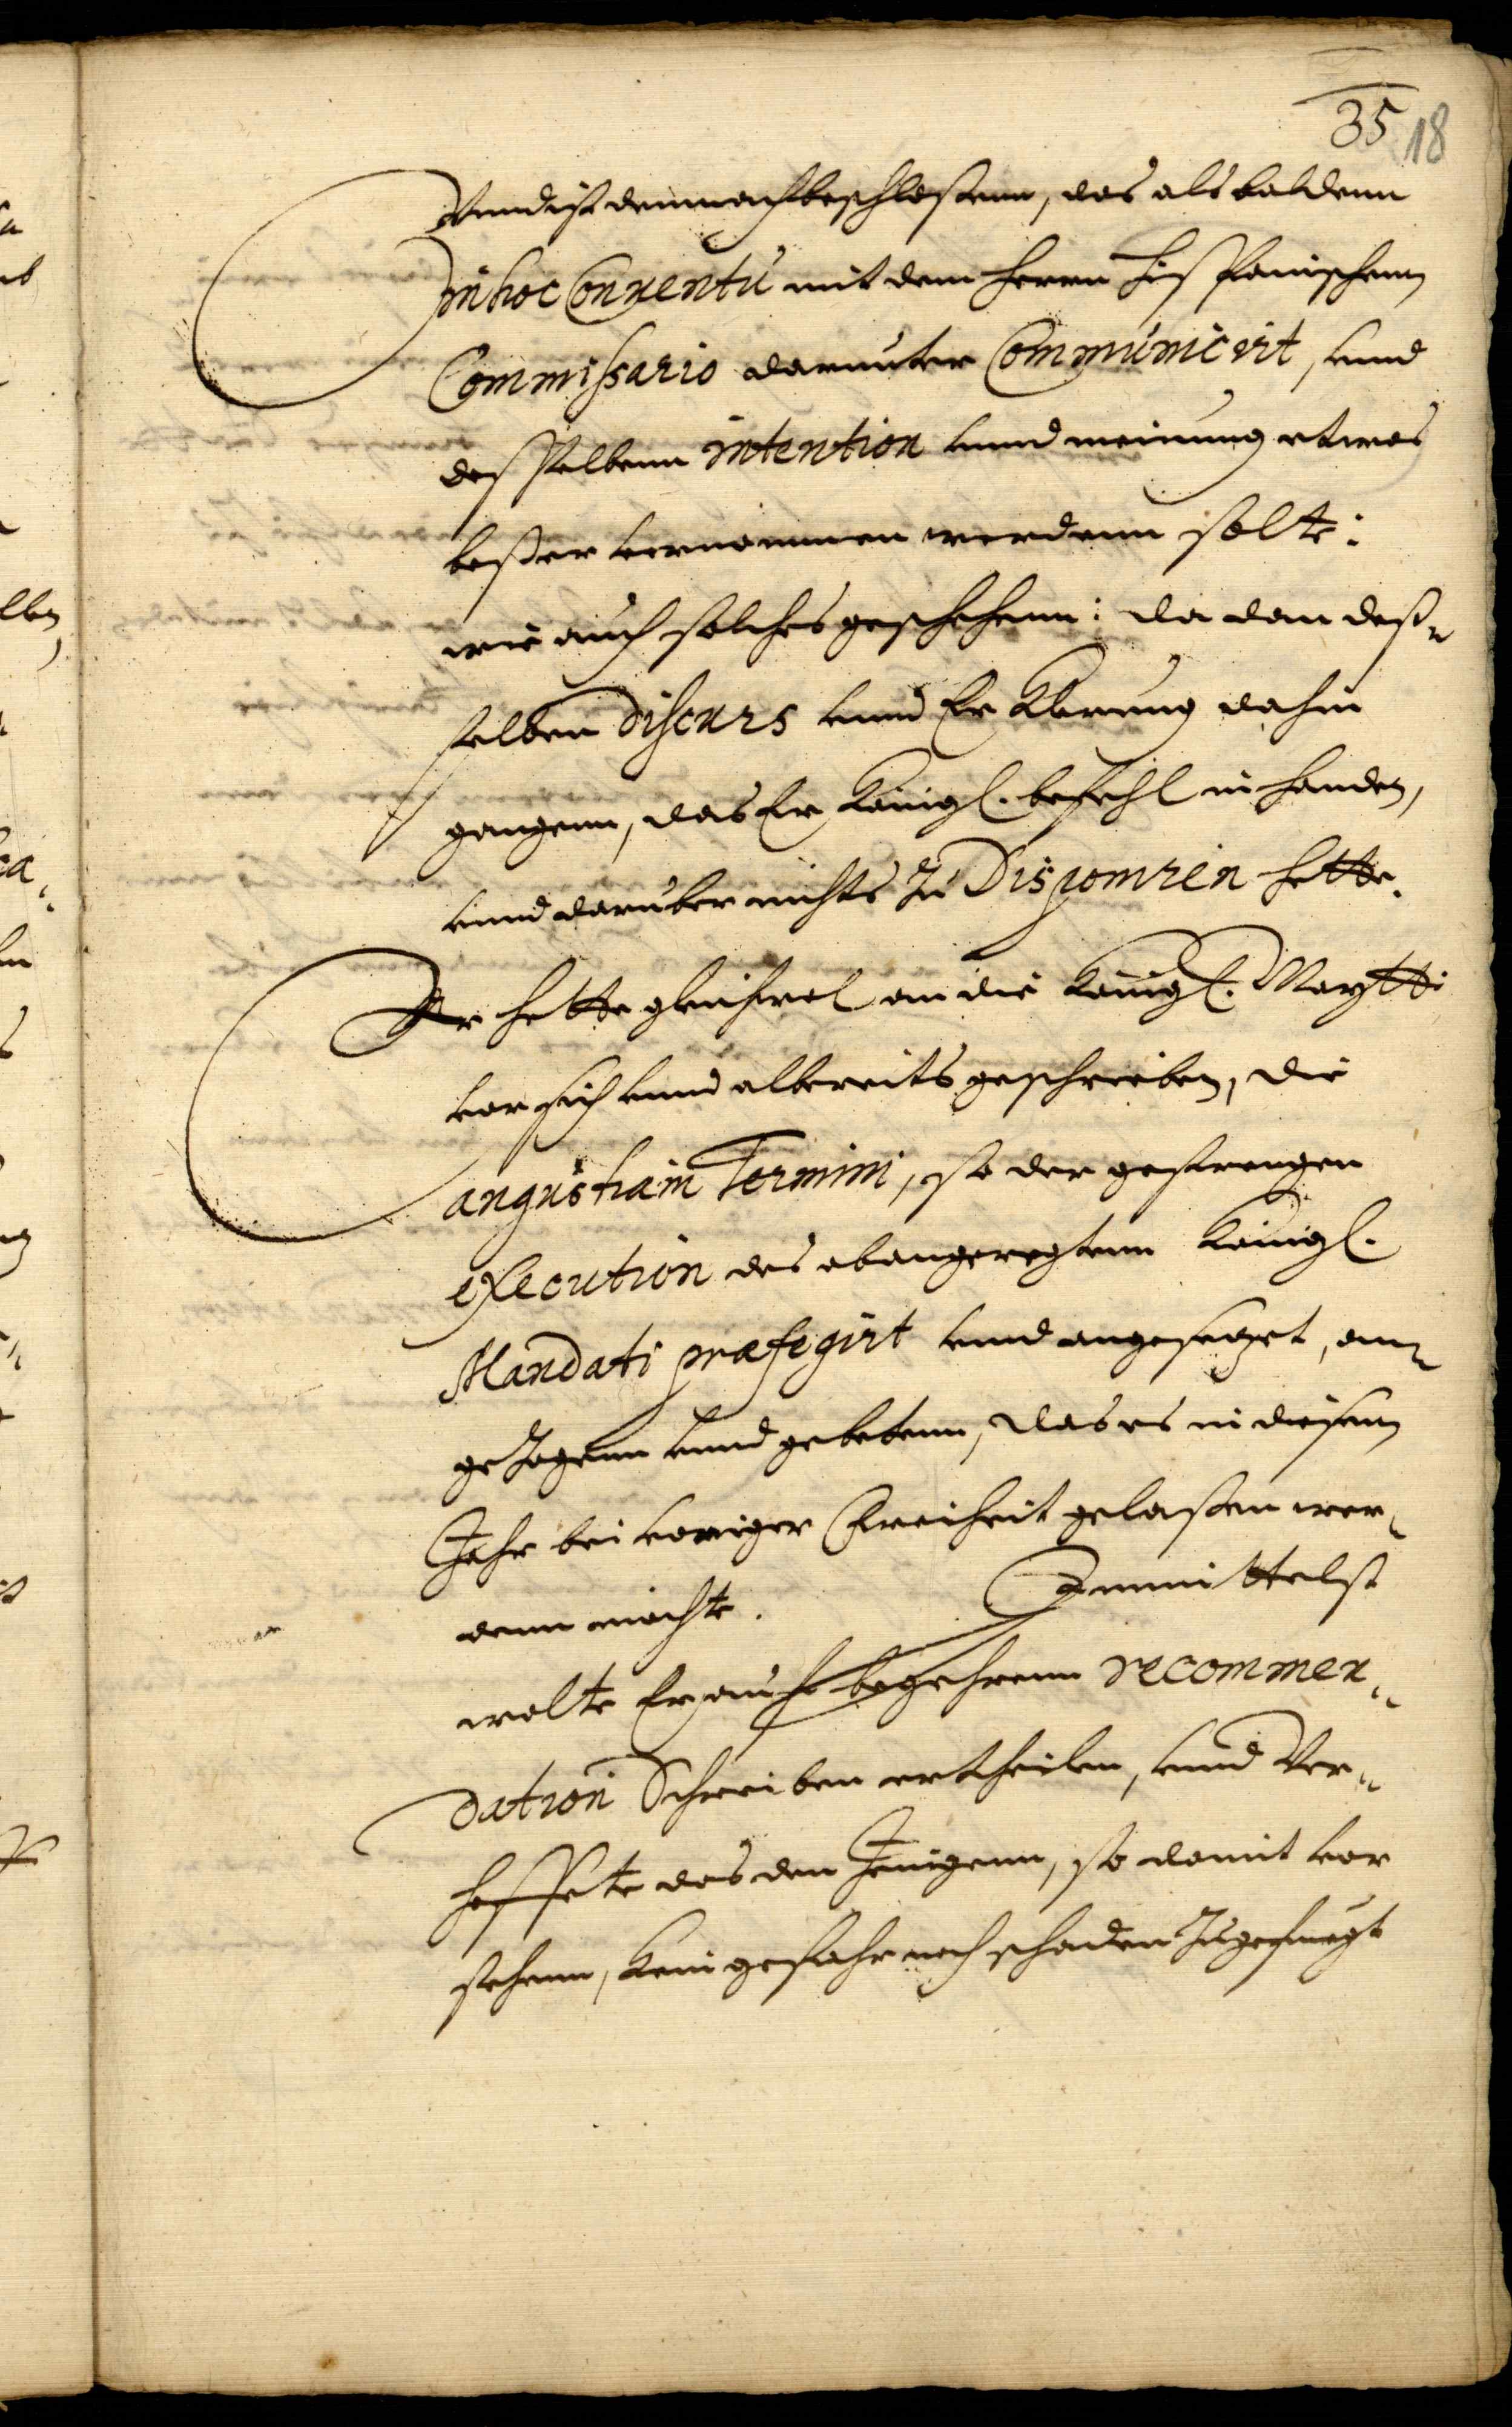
35
Vnnd ißt demnach beschloßenn, das als baldenn
In hoc Conuentu mit dem herrn hispanischenn
Commissario darunter Communicirt, vnnd
desselbenn intention vnnd meinung etwas
beßer vernommen werdenn solte:
wie auch solches geschehenn: da dan deß¬
selben discurs vnnd Erklerung dahin
gangenn, das Er Königl. befehl in handen,
vnnd daruber nichts zu Disponieren hette.
Er hette gleichwol an die Königl. Maytt:
vor sich vnnd albereits geschrieben, die
angustiam Termini, so der gestrengen
execution des obangeregtenn Königl.
Mandati praefegirt vnnd angesetzet, an¬
gezogenn vnnd gebetenn, das es in diesem
Jahr bei voriger Freiheit gelaßen wer¬
denn mochte. Immittelst
wolte Er auf begehrenn recommen¬
dation Schreiben ertheilen, vnnd Ver¬
hoffete das den Jenigenn, so damit vor
stehenn, kein gefahr noch schaden zugefuegt
